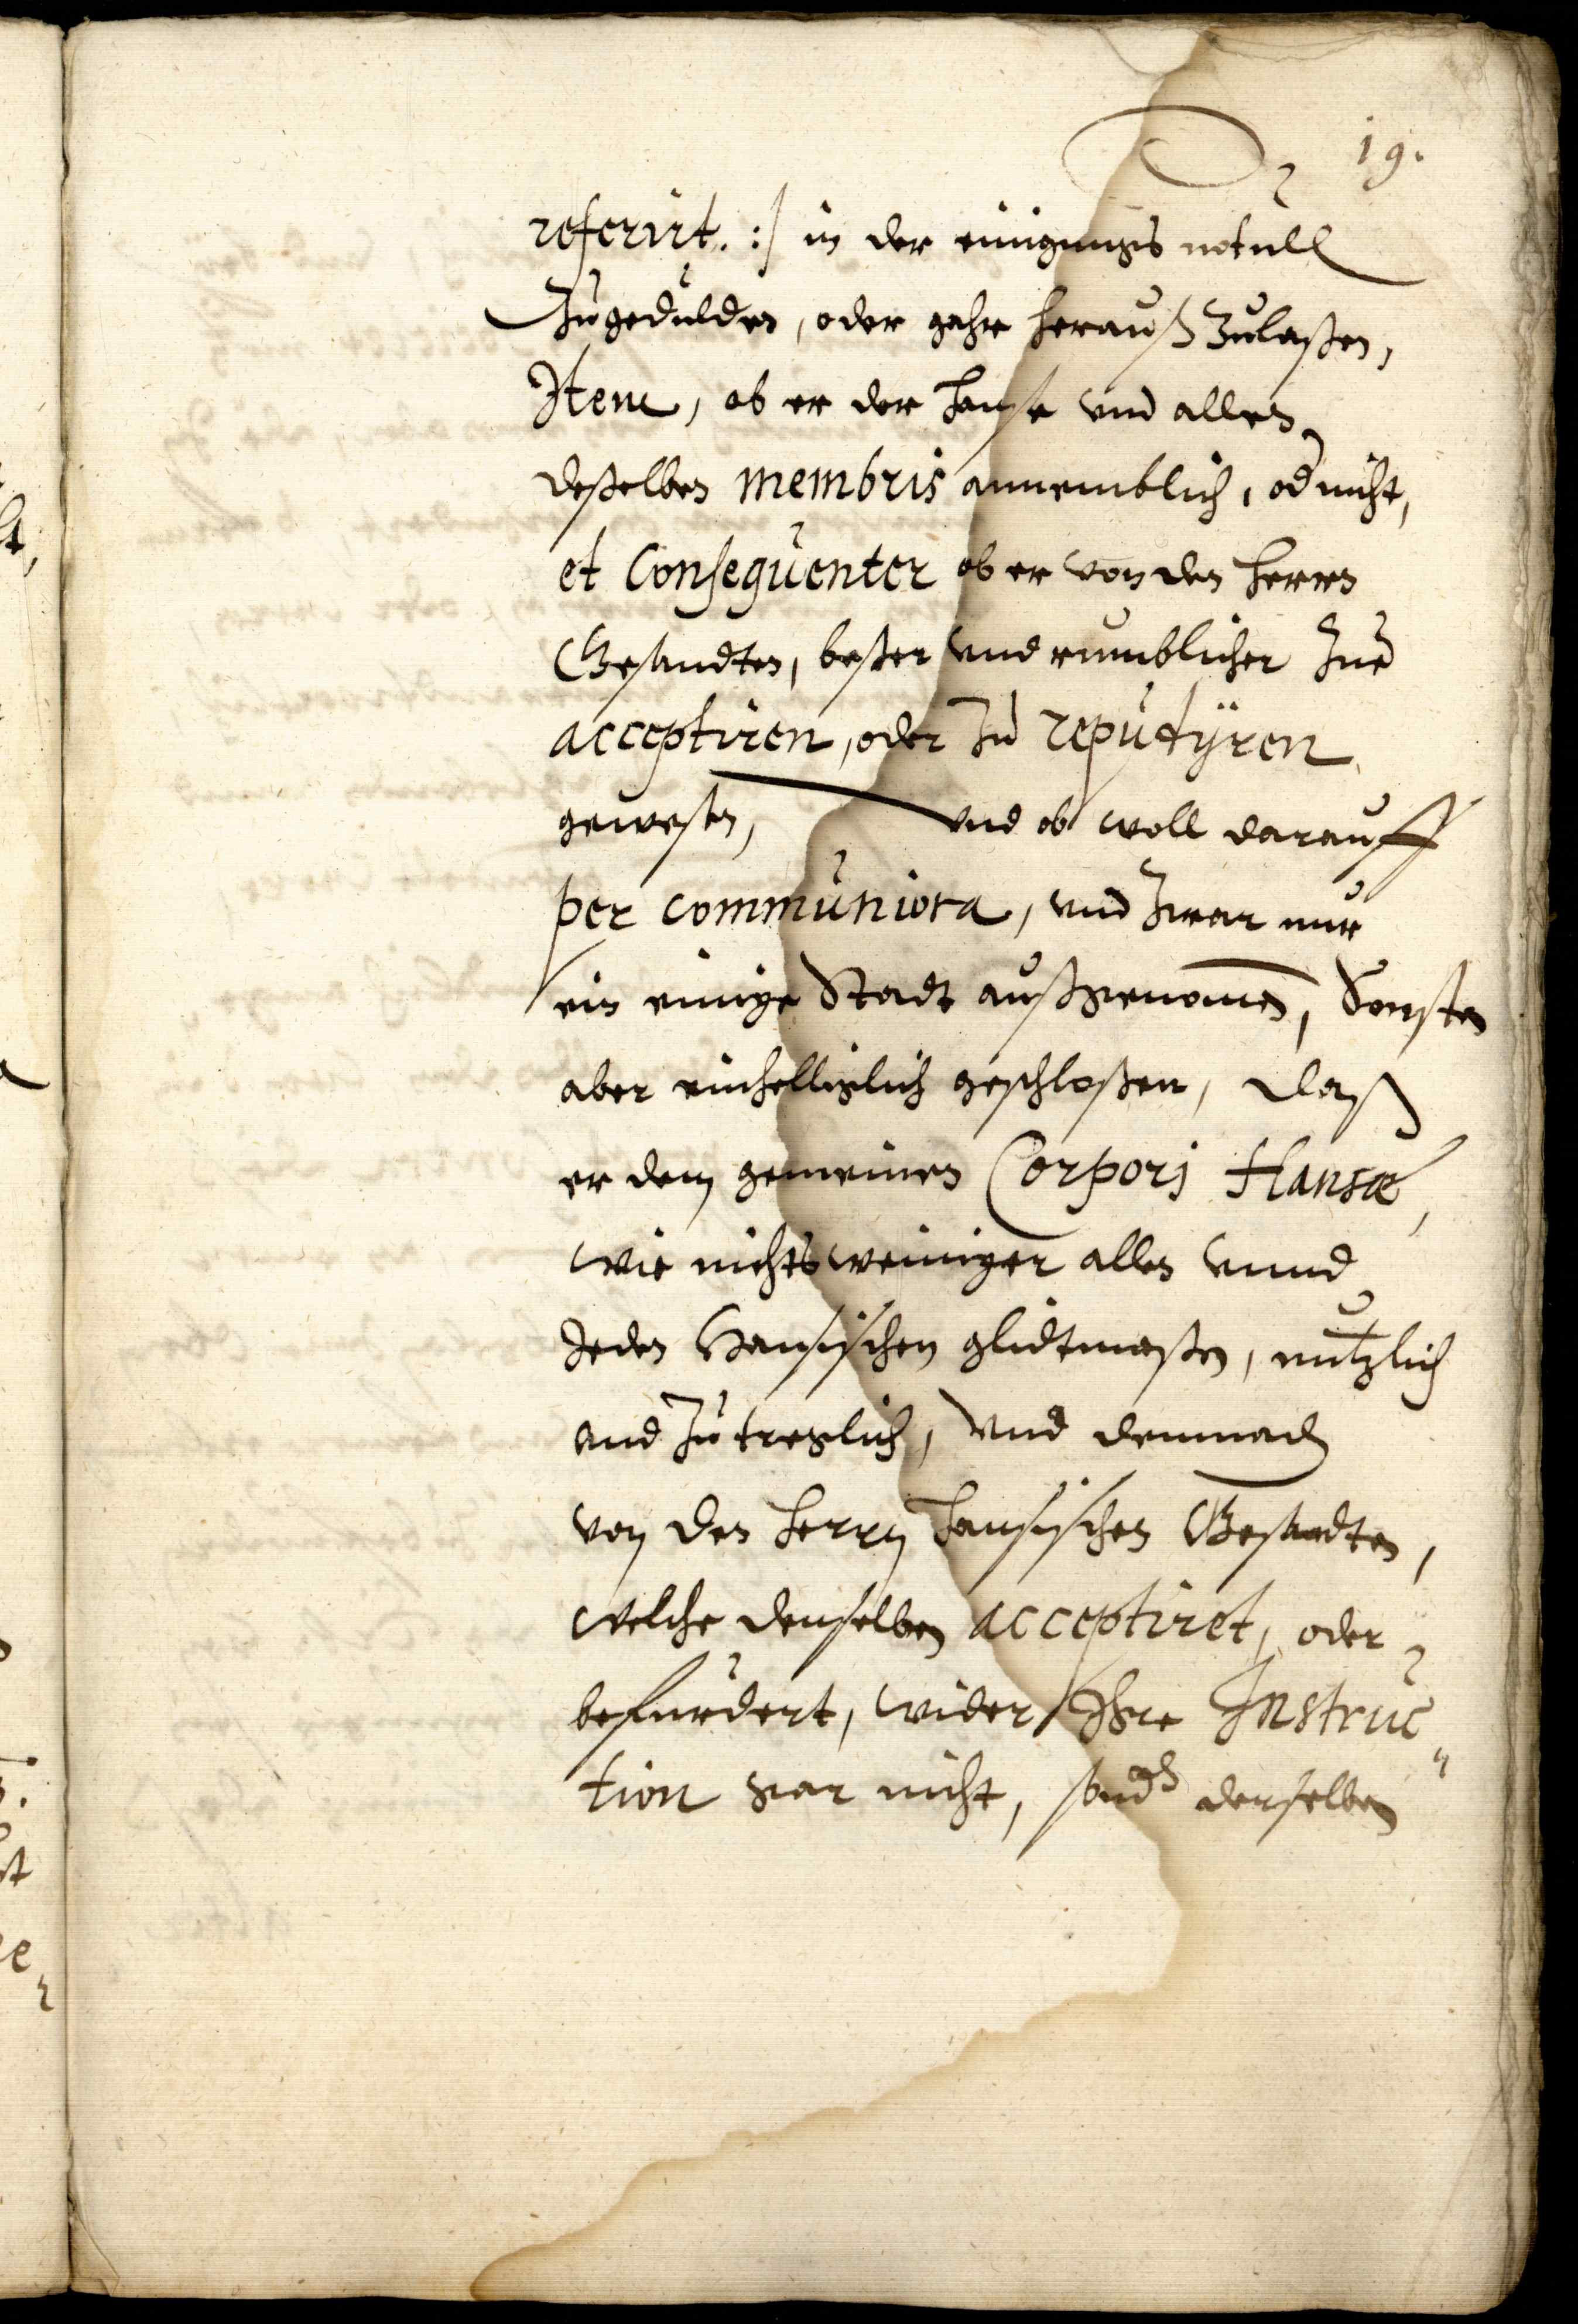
19.
referirt. :| in der einigungs notull
zu gedulden, oder gahr herauß zulaßen,
Item, ob er der hanse vnd allen
derselben membris annemblich, oder nicht,
et Consequenter ob er von den herrn
Gesandtern, beßer vnd rumblicher ????
acceptieren, oder zu reputijren
gewesen, vnd ob woll darauff
per communiora, vnd zwar nur
ein einige Stadt ausgenommen, sonsten
aber einhelliglich geschloßen, daß
er dem gemeinen Corporj Hansae,
wie nichts weininger alles vnnd
jeden Hansischen glidtmaßen, nutzlich
vnd zutreglich, vnd dennoch
von den herrn hansischen Gesandten,
welche denselben acceptiret. oder
befurdert, wider Ihre Instruc¬
tion gar nicht, sondern denselben
